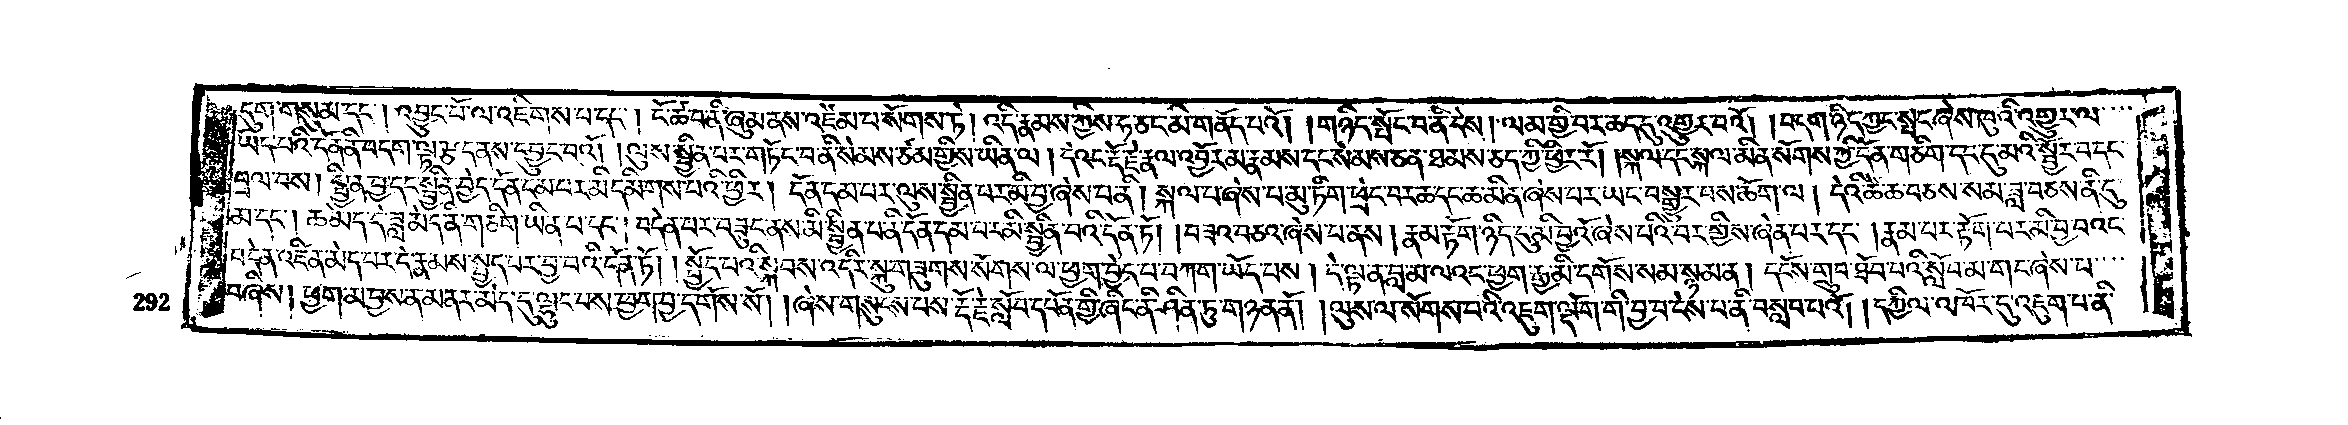དུག་གསུམ་དང་། འབྱུང་པོ་ལ་འཇིགས་པ་དང་། ངོ་ཚ་བ་ནི་ཞུམ་ནས་འཛེམ་པ་སོགས་ཏེ། འདི་རྣམས་ཀྱིས་ཧ་ཅང་མི་གནོད་པའོ། །གཉིད་སྤོང་བ་ནི་དེས། ལམ་གྱི་བར་ཆད་དུ་འགྱུར་བའོ། །བདག་ཉིད་ཀྱང་སྤང་ཞེས་ཁུའི་འགྱུར་ལ་
ཡོད་པའི་དོན་ནི་བདག་ལྟ་རྩད་ནས་དབྱུང་བའོ། །ལུས་སྦྱིན་པར་གཏོང་བ་ནི་སེམས་ཙམ་གྱིས་ཡིན་ལ། དེའང་རྡོ་རྗེ་རྣལ་འབྱོར་མ་རྣམས་དང་སེམས་ཅན་ཐམས་ཅད་ཀྱི་ཕྱིར་རོ། །སྐལ་དང་སྐལ་མིན་སོགས་ཀྱི་དོན་གཅིག་དང་དུ་མའི་སྦྱོར་བ་དང་
བྲལ་བས། སྦྱིན་བྱ་དང་སྦྱིན་བྱེད་དོན་དམ་པར་མི་དམིགས་པའི་ཕྱིར། དོན་དམ་པར་ལུས་སྦྱིན་པར་མི་བྱ་ཞེས་པ་ནི། སྐལ་པ་ཞེས་པ་མུ་ཏིག་ཕྲེང་བར་ཆ་དང་ཆ་མིན་ཞེས་པར་ཡང་བསྒྱུར་པས་ཆོག་ལ། དེའི་ཚེ་ཆ་བཅས་སམ་ཟླ་བཅས་ནི་དུ་
མ་དང་། ཆ་མེད་དེ་ཟླ་མེད་ནི་གཅིག་ཡིན་པ་དང་། བདེན་པར་བཟུང་ནས་མི་སྦྱིན་པ་ནི་དོན་དམ་པར་མི་སྦྱིན་པའི་དོན་ཏོ། །བཟའ་བཅའ་ཞེས་པ་ནས། རྣམ་རྟོག་ཉིད་དུ་མི་བྱའོ་ཞེས་པའི་བར་གྱིས་ཞེན་པར་དང་། རྣམ་པར་རྟོག་པར་མི་བྱ་བའང་
བདེན་འཛིན་མེད་པར་དེ་རྣམས་སྤྱད་པར་བྱ་བའི་དོན་ཏོ། །སྤྱོད་པའི་སྐབས་འདིར་སྐུ་གཟུགས་སོགས་ལ་ཕྱག་བྱེད་པ་བཀག་ཡོད་པས། དེ་ལྟ་ན་བླ་མ་ལའང་ཕྱག་རྒྱ་མི་དགོས་སམ་སྙམ་ན། དངོས་གྲུབ་ཐོབ་པའི་སློབ་མ་གང་ཞེས་པ་
བཞིས། ཕྱག་མ་བྱས་ན་མནར་མེད་དུ་ལྷུང་བས་ཕྱག་བྱ་དོགས་སོ། །ཞེས་གསུངས་པས་རྡོ་རྗེ་སློབ་དཔོན་གྱི་ཞིང་ནི་ཤིན་ཏུ་གཉན་ནོ། །ལུས་ལ་སོགས་པའི་འཇུག་ལྡོག་གི་བྱ་བ་ངེས་པ་ནི་བསླབ་པའོ། །དཀྱིལ་འཁོར་དུ་འཇུག་པ་ནི་